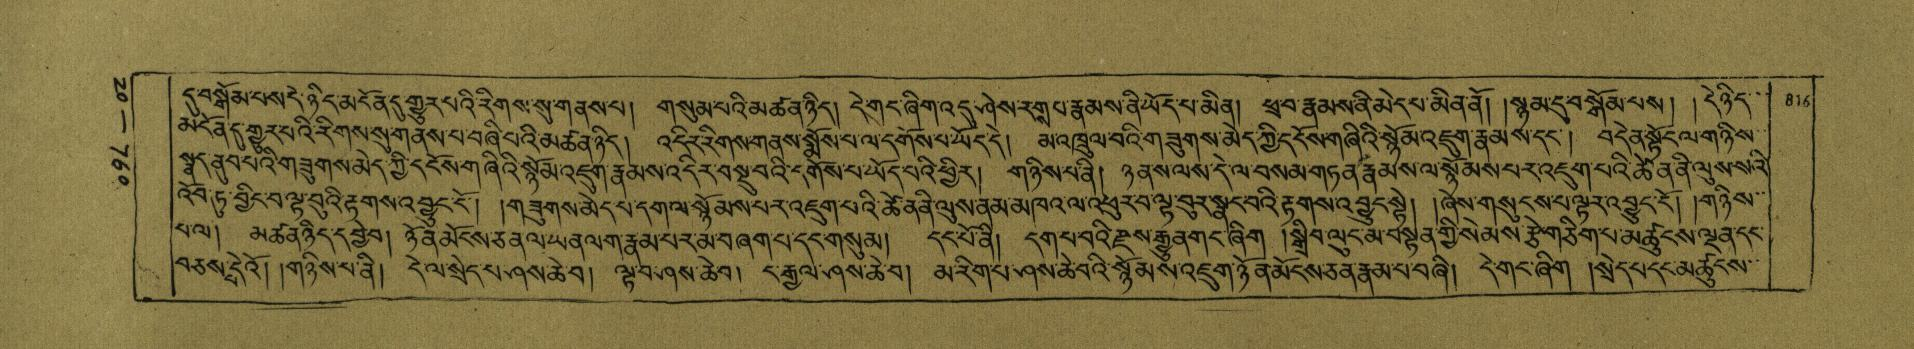དུ་བསྒོམ་པས་དེ་ཉིད་མངོན་དུ་གྱུར་པའི་རིགས་སུ་གནས་པ། གསུམ་པའི་མཚན་ཉིད། དེ་གང་ཞིག་འདུ་ཤེས་རགས་པ་རྣམས་ནི་ཡོད་པ་མིན། ཕྲ་བ་རྣམས་ནི་མེད་པ་མིན་ནོ། །སྙམ་དུ་བསྒོམ་པས། །དེ་ཉིད་
མངོན་དུ་གྱུར་པའི་རིགས་སུ་གནས་པ་བཞི་པའི་མཚན་ཉིད། འདིར་རིགས་གནས་སྨོས་པ་ལ་དགོས་པ་ཡོད་དེ། མ་འཁྲུལ་བའི་གཟུགས་མེད་ཀྱི་དངོས་གཞིའི་སྙོམ་འཇུག་རྣམས་དང་། བདེན་སྟོང་ལ་གཉིས་
སྣང་ནུབ་པའི་གཟུགས་མེད་ཀྱི་དངོས་གཞིའི་སྙོམ་འཇུག་རྣམས་འདིར་བསྡུ་བའི་དངོས་པ་ཡོད་པའི་ཕྱིར། གཉིས་པ་ནི། ཉན་ས་ལས་དེ་ལ་བསམ་གཏན་རྣམས་ལ་སྙོམས་པར་འཇུག་པའི་ཚེན་ནི་ལུས་སའི་
འོབ་ཏུ་བྱིང་བ་ལྟ་བུའི་རྟགས་འབྱུང་ངོ། །གཟུགས་མེད་པ་དག་ལ་སྙོམས་པར་འཇུག་པའི་ཚེ་ན་ནི་ལུས་ནམ་མཁའ་ལ་འཕུར་བ་ལྟ་བུར་སྣང་བའི་རྟགས་འབྱུང་སྟེ། །ཞེས་གསུངས་པ་ལྟར་འབྱུང་ངོ། །གཉིས་
པ་ལ། མཚན་ཉིད་དབྱེ་བ། ཉོན་མོངས་ཅན་ལ་ཡན་ལག་རྣམ་པར་མ་བཞག་པ་དང་གསུམ། དང་པོ་ནི། དག་པ་བའི་རྫས་རྒྱུན་གང་ཞིག །སྒྲིབ་ལུང་མ་བསྟན་གྱི་སེམས་རྩེ་གཅིག་པ་མཚུངས་ལྡན་དང་
བཅས་པ་དེའོ། །གཉིས་པ་ནི། དེ་ལ་སྲེད་པ་ཤས་ཆེ་བ། ལྟ་བ་ཤས་ཆེ་བ། ང་རྒྱལ་ཤས་ཆེ་བ། མ་རིག་པ་ཤས་ཆེ་བའི་སྙོམས་འཇུག་ཉོན་མོངས་ཅན་རྣམ་པ་བཞི། དེ་གང་ཞིག །སྲེད་པ་དང་མཚུངས་